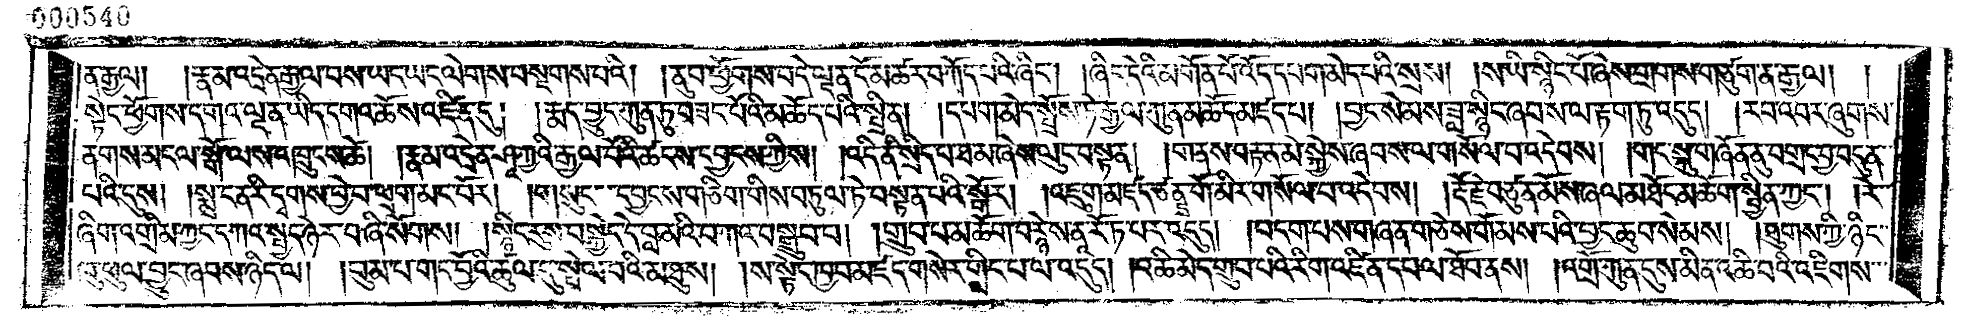ན་རྒྱལ། །རྣམ་འདྲེན་རྒྱལ་བས་ཡང་ཡང་ལེགས་བསྔགས་པའི། །ནུབ་ཕྱོགས་བདེ་ལྡན་ངོ་མཚར་བཀོད་པའི་ཞིང་། །ཞིང་དེའི་མགོན་པོ་འོད་དཔག་མེད་པའི་སྲས། །ས་ཡི་སྙིང་པོ་ཞེས་གྲགས་གཙུག་ན་རྒྱལ། །
སྟེང་ཕྱོགས་དགའ་ལྡན་ཡིད་དགའ་ཆོས་འཛིན་དུ། །རྨད་བྱུང་ཀུན་ཏུ་བཟང་པོའི་མཆོད་པའི་སྤྲིན། །དཔག་མེད་སྤྲོས་ཏེ་རྒྱལ་ཀུན་མཆོད་མཛད་པ། །བྱང་སེམས་ཟླ་སྙིང་ཞབས་ལ་རྟག་ཏུ་འདུད། །རབ་འབར་ཞུགས་
ནགས་མངལ་སྒོ་ལས་འཁྲུངས་ཚེ། །རྣམ་འདྲེན་ཤཱཀྱའི་རྒྱལ་པོའི་ཚངས་དབྱངས་ཀྱིས། །འདི་ནི་སྲིད་པ་ཐ་མ་ཞེས་ལུང་བསྟན། །གནས་བརྟན་མེ་སྐྱེས་ཞབས་ལ་གསོལ་བ་འདེབས། །གང་སྐུ་གཞོན་ནུ་བགྲང་བྱ་བདུན་
པའི་དུས། །སྨྲ་ངན་རི་དྭགས་བྱེ་བ་ཕྲག་མང་པོར། །གསུང་དབྱངས་གཅིག་གིས་བཏུལ་ཏེ་བསྟན་པའི་སྒོར། །འཇུག་མཛད་ཙནྡྲ་གོ་མིར་གསོལ་བ་འདེབས། །རྡོ་རྗེ་བཙུན་མོས་ཞལ་མཐོང་མཆོག་སྦྱིན་ཀྱང་། །རེ་
ཞིག་འགྲིམ་ཀྱང་དཀའ་སྤྱད་ཉེར་བཞི་སོགས། །སྙིང་རུས་བསྐྱེད་དེ་བླ་མའི་བཀའ་བསྒྲུབ་པ། །གྲུབ་པ་མཆོག་བརྙེས་ནཱ་རོ་ཏ་པར་འདུད། །བདག་པས་གཞན་གཅེས་གོམས་པའི་བྱང་ཆུབ་སེམས། །ཐུགས་ཀྱི་ཉིང་
ཁུ་ཕུལ་བྱུང་ཞབས་ཉིད་ལ། །བུམ་པ་གང་བྱོའི་ཚུལ་དུ་སྤེལ་བའི་མཐུས། །ས་སྟེང་ཁྱབ་མཛད་གསེར་གླིང་པ་ལ་འདུད། །འཆི་མེད་གྲུབ་པའི་རིག་འཛིན་དཔལ་ཐོབ་ནས། །འགྲོ་ཀུན་དུས་མིན་འཆི་བའི་འཇིགས་